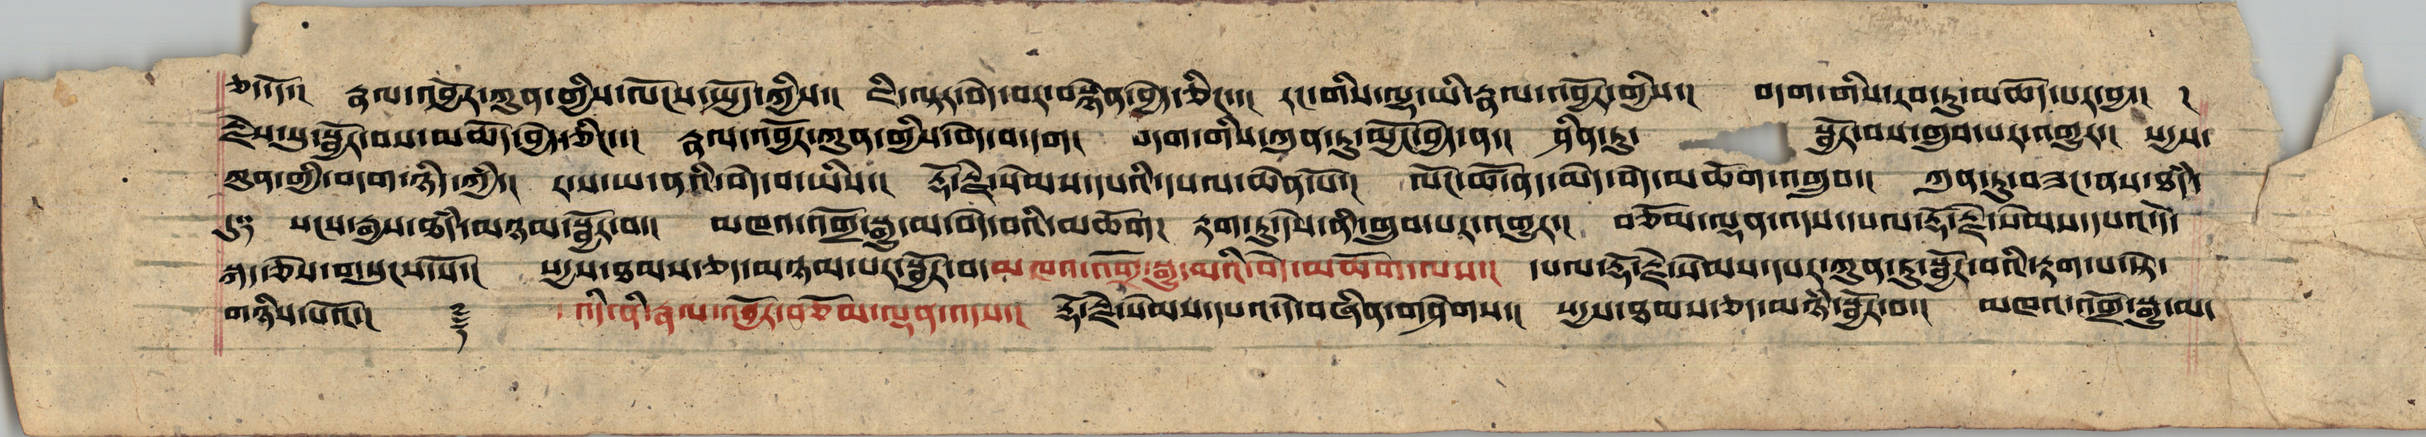ཅད་དོ་། རྣལ་འབྱོར་ཀུན་གྱིས་ལོངས་སྤྱོད་ཀྱིས་། ཇི་ལྟར་བདེ་བར་བསྙེན་བྱེད་ཅིང་་། རང་གིས་ལྷ་ཡི་རྣལ་འབྱོར་གྱིས་། བདག་གིས་རབ་ཏུ་མཆོད་པར་བྱ་། །
རྗེས་སུ་སྦྱོར་བས་མཆོད་བྱེད་ཅིང་་། རྣལ་འབྱོར་ཀུན་གྱིས་བདེ་བ་དག། བདག་གིས་ཀུན་ཏུ་མྱོང་བྱེད་ན་། ཤིན་ཏུ་ སྦྱོར་བས་གྲུབ་པར་འགྱུར་། སདྱས་
ཀུན་གྱི་བདག་ཉིད་ཀྱི་། ར་ས་ཡ་ནའི་བདེ་བ་ཡིས་། རྡོ་རྗེ་སེམས་དཔའི་དཔལ་ཆེན་པོ་། ལོང་ཚོ་ནད་མེད་བདེ་མཆོག་འགྲུབ་། ཀུན་ཏུ་བཟང་ནས་ཐཾད་
དུ༑ སངས་རྒྱས་ཐདཾ་མཉམ་སྦྱོར་བ་། མཁའ་འགྲོ་སྒྱུ་མ་བདེ་བའི་མཆོག། རྟག་ཏུ་དེས་ནི་གྲུབ་པར་འགྱུར་། བཅོམ་ལྡན་འདས་དཔལ་རྡོ་རྗེ་སེམས་དཔའ་དོ་
སྐད་ཅེས་གསུངས་སོ་། སདྱས་ཐམས་ཅད་མཉམ་པར་སྦྱོར་བ་མཁའ་འགྲོ་སྒྱུ་མའི་བདེ་མཆོག་ལས་། དཔལ་རྡོ་རྗ་ེསེམས་དཔར་ཀུན་ཏུ་སྦྱོར་བའི་རྟག་པ་སྟེ་
གཉིས་པའོ་། ࿑ འདི་ནི་རྣལ་འབྱོར་བཅོམ་ལྡན་འདས་། རྡོ་རྗེ་སེམས་དཔའ་དེ་བཞིན་གཤེགས་། སདྱས་ཐམས་ཅད་མཉཾ་སྦྱོར་བ་། མཁའ་འགྲོ་སྒྱུ་མ་